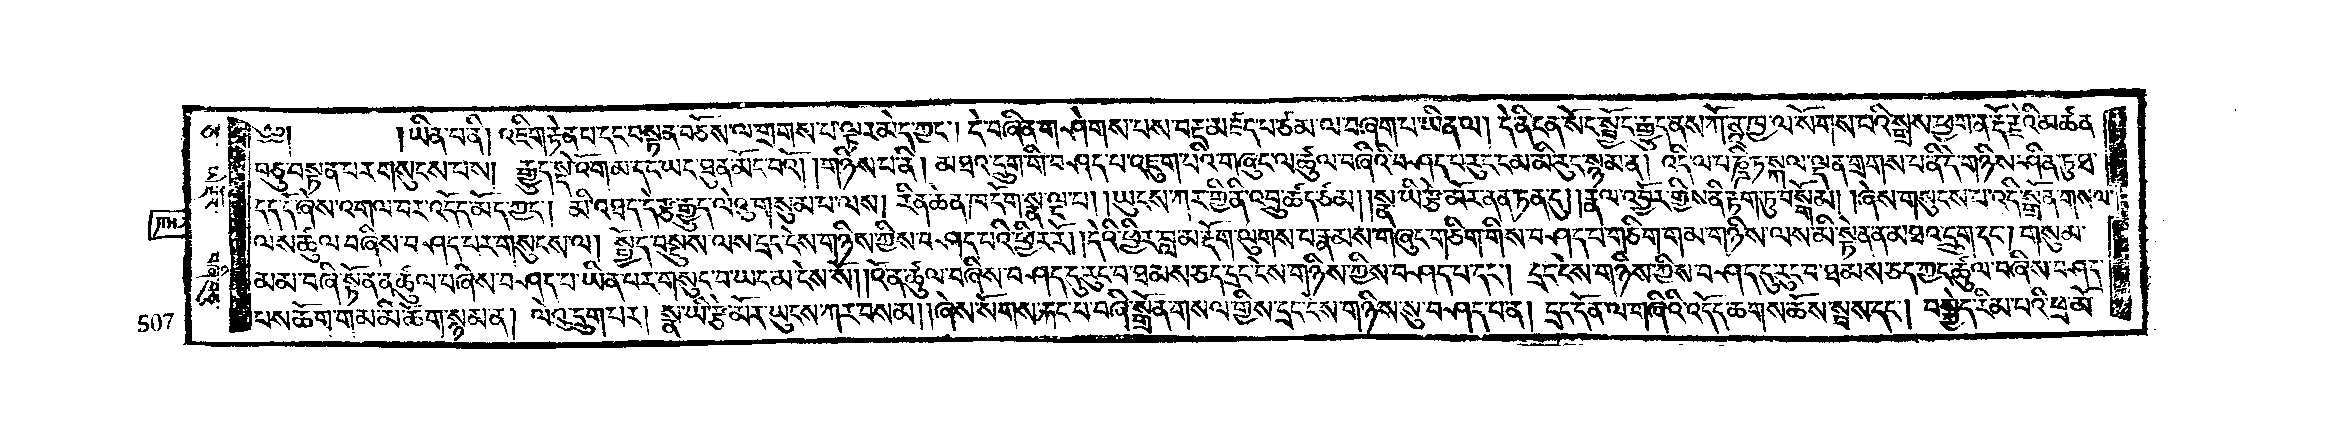༄༅། །ཡིན་པ་ནི། འཇིག་རྟེན་པ་དང་བསྟན་བཅོས་ལ་གྲགས་པ་ལྟར་མེད་ཀྱང་། དེ་བཞིན་གཤེགས་པས་བརྡ་མཛད་པ་ཙམ་ལ་བཞག་པ་ཡིན་ལ། དེ་ནི་ངན་སོང་སྦྱོང་རྒྱུད་ནས་ཀོ་ཊཱ་ཁྱི་?་ལ་སོགས་པའི་སྒྲས་ཕྱག་ན་རྡོ་རྗེའི་མཚན་
བཅུ་བསྟན་པར་གསུངས་པས། རྒྱུད་སྡེ་འོག་མ་དང་ཡང་ཐུན་མོང་བའོ། །གཉིས་པ་ནི། མཐའ་དྲུག་གི་བཤད་པ་འཇུག་པའི་གཞུང་ལ་ཚུལ་བཞིའི་བཤད་པ་རུང་ངམ་མི་རུང་སྙམ་ན། འདི་ལ་པཎྜི་ཏ་སྐལ་ལྡན་གྲགས་པ་ནི་དེ་གཉིས་ཤིན་ཏུ་ཐ་
དད་དོ་ཞེས་འགལ་བར་འདོད་མོད་ཀྱང་། མི་འཐད་དེ་རྩ་རྒྱུད་ལེའུ་གསུམ་པ་ལས། རིན་ཆེན་ཁ་དོག་སྣ་ལྔ་པ། །ཡུངས་ཀར་གྱི་ནི་འབྲུ་ཚད་ཙམ། །སྣ་ཡི་རྩེ་མོར་ནན་ཏན་དུ། །རྣལ་འབྱོར་གྱིས་ནི་རྟག་ཏུ་བསྒོམ། །ཞེས་གསུངས་པ་འདི་སྒྲོན་གསལ་
ལས་ཚུལ་བཞིས་བཤད་པར་གསུངས་ལ། སྤྱོད་བསྡུས་ལས་དྲང་ངེས་གཉིས་ཀྱིས་བཤད་པའི་ཕྱིར་རོ། །དེའི་ཕྱིར་བླ་མ་རྡོག་ལུགས་པ་རྣམས་གཞུང་གཅིག་གིས་བཤད་པ་གཅིག་གམ་གཉིས་ལས་མི་སྟོན་ན་མཐའ་དྲུག་དང་། གསུམ་
མམ་བཞི་སྟོན་ན་ཚུལ་བཞིས་བཤད་པ་ཡིན་པར་གསུང་བ་ཡང་མ་ངེས་སོ། །འོ་ན་ཚུལ་བཞིས་བཤད་དུ་རུང་བ་ཐམས་ཅད་དྲང་ངེས་གཉིས་ཀྱིས་བཤད་པ་དང་། དྲང་ངེས་གཉིས་ཀྱིས་བཤད་དུ་རུང་བ་ཐམས་ཅད་ཀྱང་ཚུལ་བཞིས་བཤད་
པས་ཆོག་གམ་མི་ཆོག་སྙམ་ན། ལེའུ་དྲུག་པར། སྣ་ཡི་རྩེ་མོར་ཡུངས་ཀར་བསམ། །ཞེས་སོགས་རྐང་པ་བཞི་སྒྲོན་གསལ་གྱིས་དྲང་ངེས་གཉིས་སུ་བཤད་པ་ན། དྲང་དོན་ལ་གཞིའི་འདོད་ཆགས་ཆོས་སྦས་དང་། བསྐྱེད་རིམ་པའི་ཕྲ་མོ་